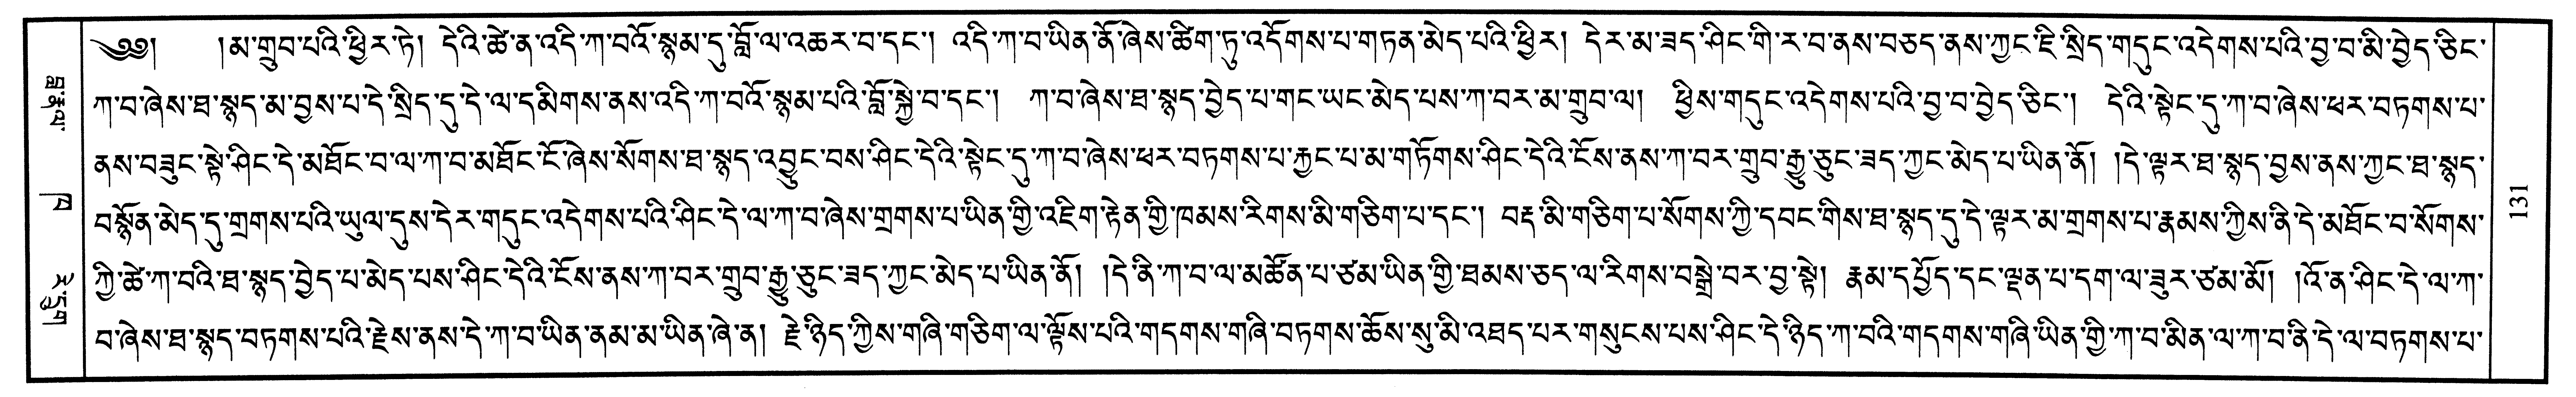༄༅། །མ་གྲུབ་པའི་ཕྱིར་ཏེ། དེའི་ཚེ་ན་འདི་ཀ་བའོ་སྙམ་དུ་བློ་ལ་འཆར་བ་དང་། འདི་ཀ་བ་ཡིན་ནོ་ཞེས་ཚིག་ཏུ་འདོགས་པ་གཏན་མེད་པའི་ཕྱིར། དེར་མ་ཟད་ཤིང་གི་ར་བ་ནས་བཅད་ནས་ཀྱང་ཇི་སྲིད་གདུང་འདེགས་པའི་བྱ་བ་མི་བྱེད་ཅིང་
ཀ་བ་ཞེས་ཐ་སྙད་མ་བྱས་པ་དེ་སྲིད་དུ་དེ་ལ་དམིགས་ནས་འདི་ཀ་བའོ་སྙམ་པའོ་བློ་སྐྱེ་བ་དང་། ཀ་བ་ཞེས་ཐ་སྙད་བྱེད་པ་གང་ཡང་མེད་པས་ཀ་བར་མ་གྲུབ་ལ། ཕྱིས་གདུང་འདེགས་པའི་བྱ་བ་བྱེད་ཅིང་། དེའི་སྟེང་དུ་ཀ་བ་ཞེས་ཕར་བཏགས་པ་
ནས་བཟུང་སྟེ་ཤིང་དེ་མཐོང་བ་ལ་ཀ་བ་མཐོང་ངོ་ཞེས་སོགས་ཐ་སྙད་འབྱུང་བས་ཤིང་དེའི་སྟེང་དུ་ཀ་བ་ཞེས་ཕར་བཏགས་པ་རྐྱང་པ་མ་གཏོགས་ཤིང་དེའི་ངོས་ནས་ཀ་བར་གྲུབ་རྒྱུ་ཅུང་ཟད་ཀྱང་མེད་པ་ཡིན་ནོ། །དེ་ལྟར་ཐ་སྙད་བྱས་ནས་ཀྱང་ཐ་སྙད་
བསྙོན་མེད་དུ་གྲགས་པའི་ཡུལ་དུས་དེར་གདུང་འདེགས་པའི་ཤིང་དེ་ལ་ཀ་བ་ཞེས་གྲགས་པ་ཡིན་གྱི་འཇིག་རྟེན་གྱི་ཁམས་རིགས་མི་གཅིག་པ་དང་། བརྡ་མི་གཅིག་པ་སོགས་ཀྱི་དབང་གིས་ཐ་སྙད་དུ་དེ་ལྟར་མ་གྲགས་པ་རྣམས་ཀྱིས་ནི་དེ་མཐོང་བ་སོགས་
ཀྱི་ཚེ་ཀ་བའི་ཐ་སྙད་བྱེད་པ་མེད་པས་ཤིང་དེའི་ངོས་ནས་ཀ་བར་གྲུབ་རྒྱུ་ཅུང་ཟད་ཀྱང་མེད་པ་ཡིན་ནོ། །དེ་ནི་ཀ་བ་ལ་མཚོན་པ་ཙམ་ཡིན་གྱི་ཐམས་ཅད་ལ་རིགས་བསྒྲེ་བར་བྱ་སྟེ། རྣམ་དཔྱོད་དང་ལྡན་པ་དག་ལ་ཟུར་ཙམ་མོ། །འོ་ན་ཤིང་དེ་ལ་ཀ་
བ་ཞེས་ཐ་སྙད་བཏགས་པའི་རྗེས་ནས་དེ་ཀ་བ་ཡིན་ནམ་མ་ཡིན་ཞེ་ན། རྗེ་ཉིད་ཀྱིས་གཞི་གཅིག་ལ་ལྟོས་པའི་གདགས་གཞི་བཏགས་ཆོས་སུ་མི་འཐད་པར་གསུངས་པས་ཤིང་དེ་ཉིད་ཀ་བའི་གདགས་གཞི་ཡིན་གྱི་ཀ་བ་མིན་ལ་ཀ་བ་ནི་དེ་ལ་བཏགས་པ་